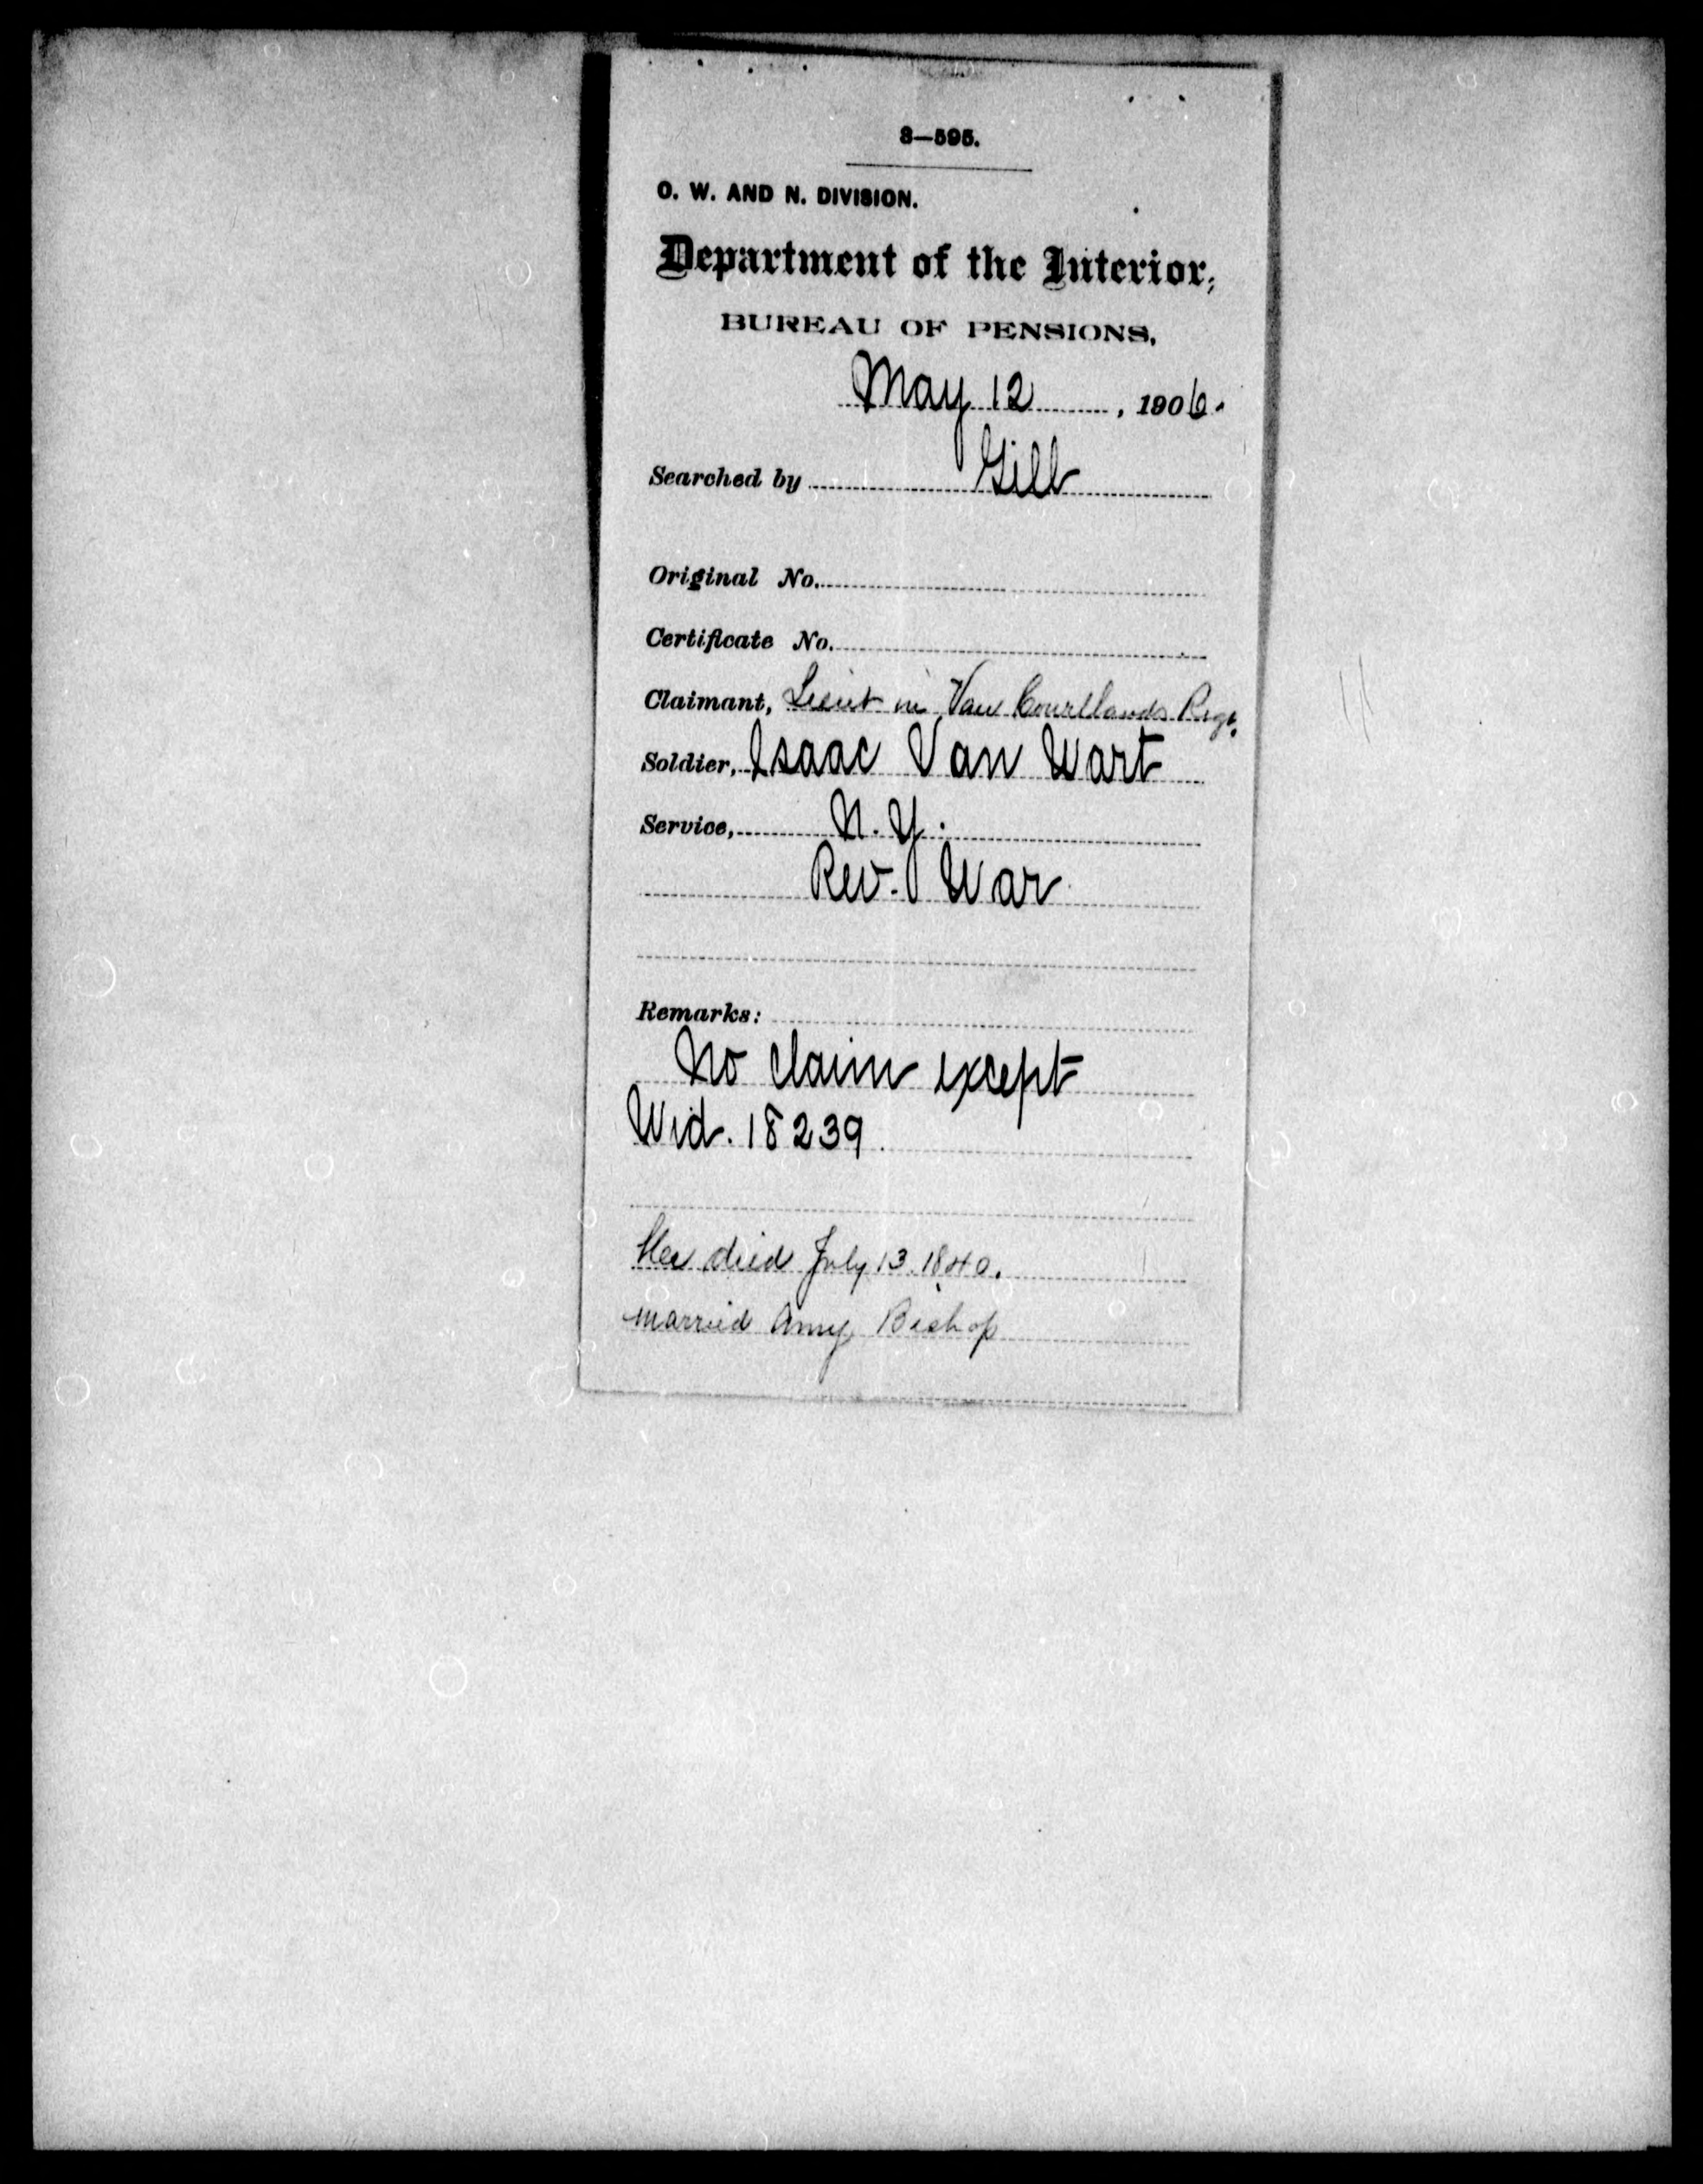3-595. 
O. W. AND N. DIVISION. 
Department of the Interior, 
BUREAU OF PENSIONS, 
May 12, 1906. 
Searched by Gill 
Original No. 
Certificate No. 
Claimant, Lieut in Van Courtlands Regt. 
Soldier Isaac Van Wart 
Service N.Y. Rev. War 
Remarks: No claim except Wid. 18239 
[illegible, Her?] died July 13 1840. married Amy Bishop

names: Gill, Amy Bishop, Isaac Van Wart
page: 40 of 102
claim: widow's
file: W. 18239, Isaac Van Wart, New York